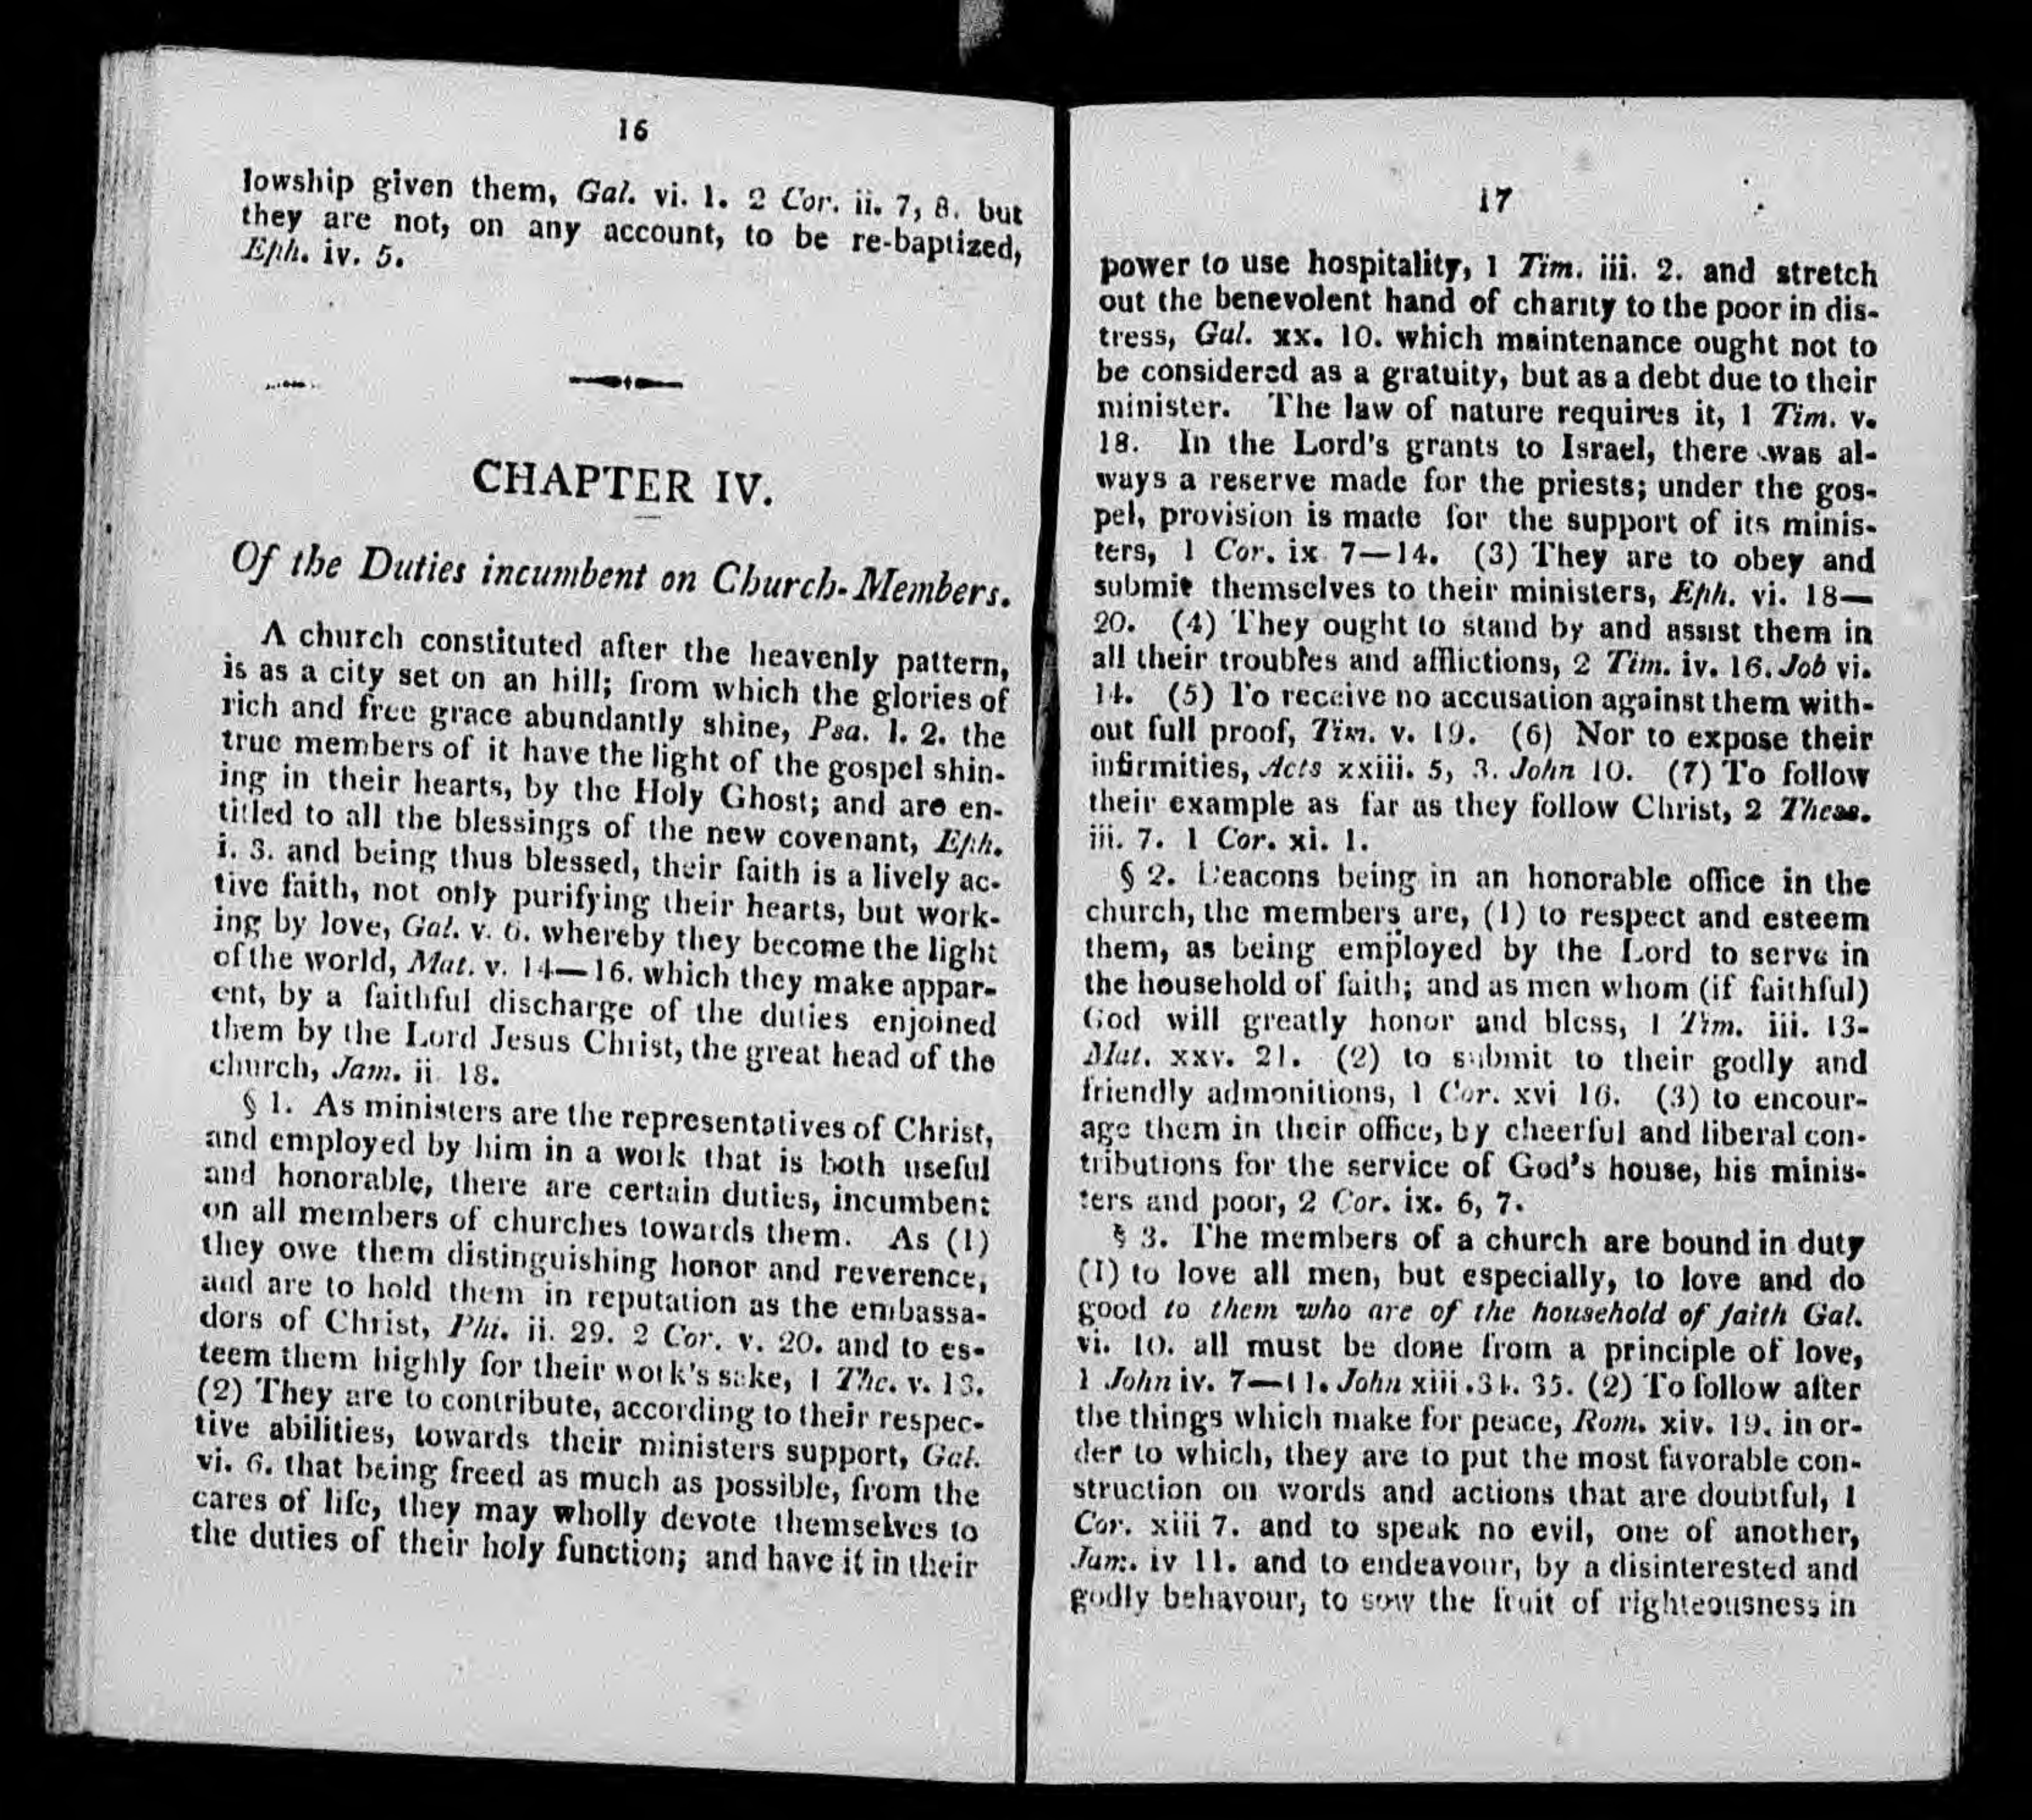[page] 16
[fel]lowship given them, Gal. vi. 1. 2 Cor. ii. 7,8. but they are not, on any account, to be re-baptized, Eph. iv. 5.

CHAPTER IV
Of the Duties incumbent on Church-Members.

A church constituted after the heavenly pattern, is as a city set on an hill; from which the glories of rich and free grace abundantly shine, Psa. 2.3. the true members of it have the light of the gospel shining in their hearts by the Holy Ghost; and are entitled to all the blessings of the new covenant, Eph. i. 3. and being thus blessed, their faith is a lively active faith, not only purifying their hearts, but working by love, Gal. v. 6, whereby they become the light of the world, mat. v. 24-16.  which they make apparent, by a faithful discharge of the duties enjoined them by the Lord Jesus Christ, the great head of the of the church, Jam. ii 18.
1. As ministers are the representatives of Christ, and employed by him in a work that is both useful and honorable, there are certain duties, incumbent on all members of churches towards them.  As (1) they owe them distinguishing honor and reverence; and are to hold them in reputation as the embassadors of Christ, Phi. ii. 29. 2 Cor. v. 20. and to esteem them highly for their work's sake, 1 The. v. 13, 920 they are to contribute, according to their respective abilities, towards their ministers support, Gal. vi. 6. that being freed as much as possible, from the cares of life, they may wholly devote themselves to the duties of their holy function; and have it in their

[page] 17
power to use hospitality, 1 Tim. iii.2. and stretch out the benevolent hand of charity to the poor in distress, Gal.  xxx. 10. which maintenance ought not to be considered as a gratuity, but as a debt due to their minister.  The law of nature requires it, 1 Tim. v. 18. In the Lord's grants to Israel, there was always a reserve made for the priests; under the gospel, provision is made for the support of its ministers, 1 cor. ix 7-14.  (3) They are to obey and submit themselves to their misters, Eph. vi. 18- 20. (4) They ought to stand by and assist them in all their troubles and afflictions, 2 Tim. iv. 16. Job vi. 14. (5) To receive no accusation against them without full proof, Tim. v. 19. (16) Nor to expose their infirmities, Acts xxiii, 5, 3. John 10.  (7)  To follow their example as far as they follow Christ, 32 These. iii. 7. 1 Cor. xi. 1.
2. Deacons being in an honorable office in the church, the members are, (1) to respect and esteem the, as being employed by the Lord to serve in the household of faith; and as men whom (if faithful) God will greatly honor and bless. 1 Tim. iii. 1 - Mat. xxv. 21. (2) to submit to their godly and friendly admonitions, 1 Cor. xvi 16. (3) to encourage them in their office, by cheerful and liberal contributions for the service of God's house, his misters and poor, 2 Cor. ix. 6, 7. 
3. the members of a church are bound in duty (I) to love all men, but especially, to love and do good to them who are of the household of faith Gal. vi. 10. all must be done from a principle of love, 1 John iv. 7-11. John xiii. 31. 35. (2) To follow after the things which make for peace, Rom. xiv. 19, in order to which, they are to put the most favorable construction on words and actions that are doubtful, 1 Cor. xiii 7. and to speak no evil, one of another, Jam. iv 11. and to endeavor, by a disinterested and godly behavior, to sow the fruit of righteousness in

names: Tim, John, Mat, Job, John, Tim, Tim, Jam, Tim, Jam, Mat, Tim, John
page: 54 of 98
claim: widow's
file: W. 8398, William Broadway, S.C.